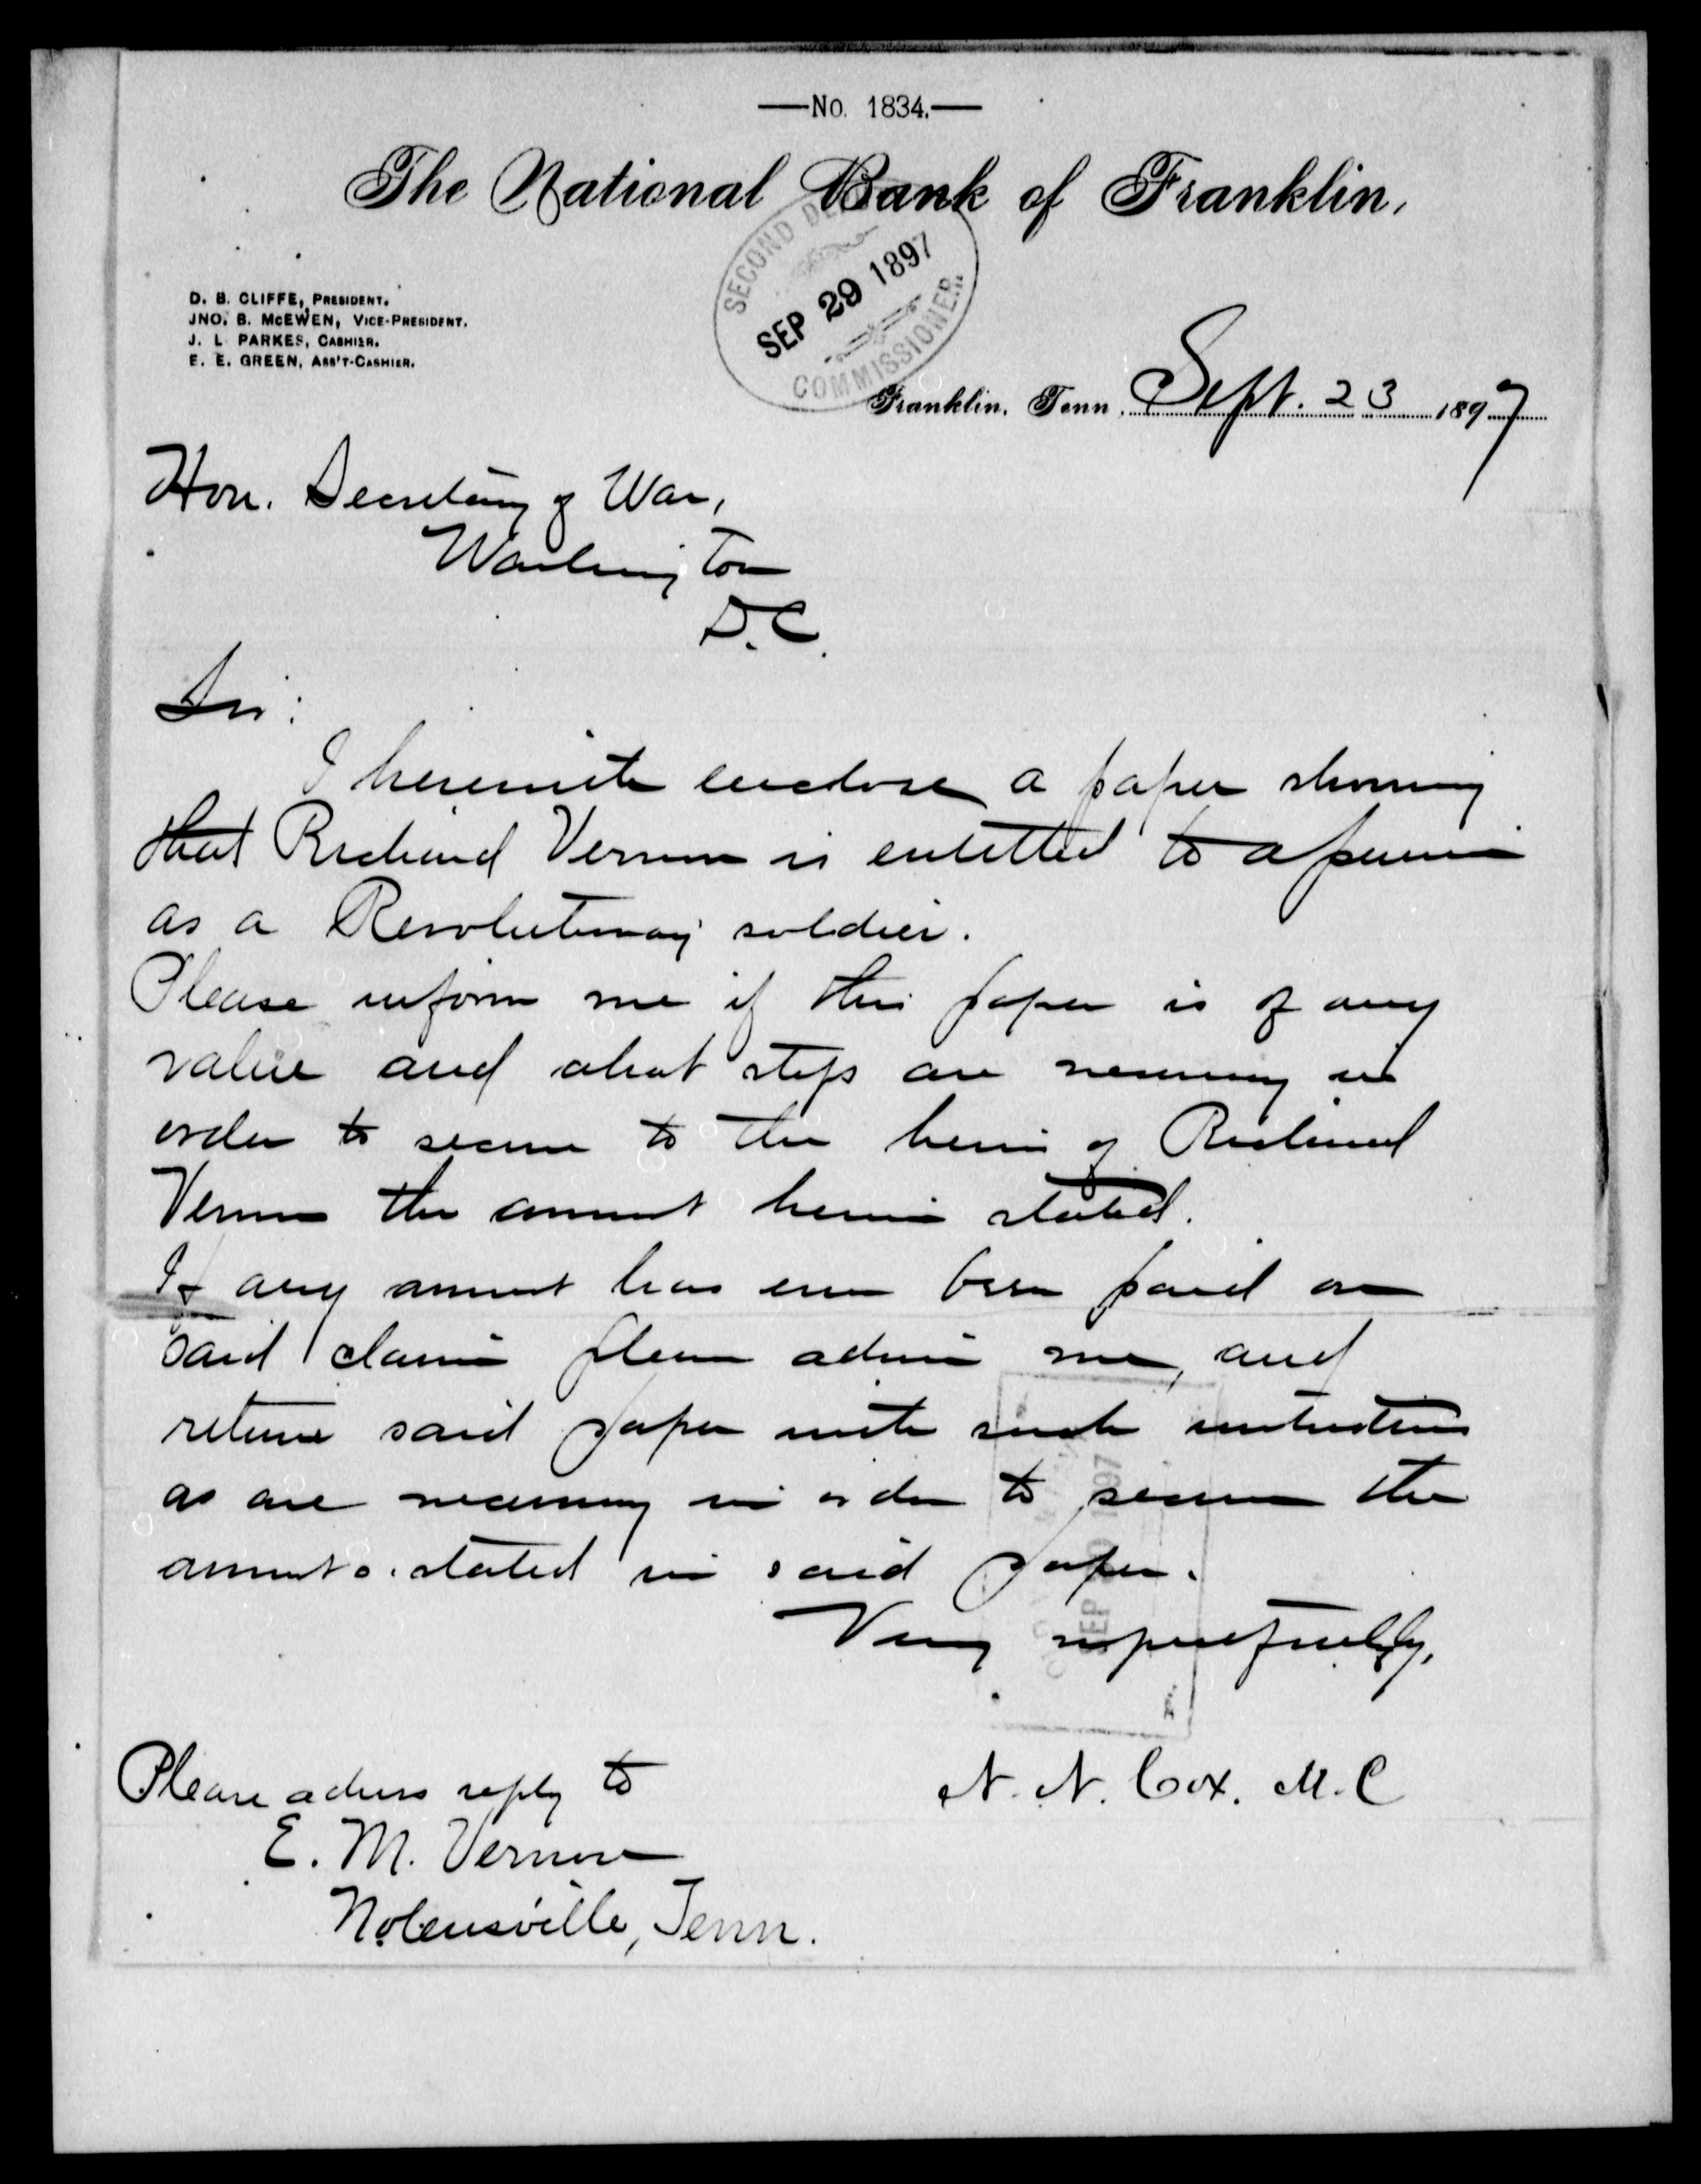No. 1834.
The National Bank of Franklin,
D. S. CLIFFE, PRESIDENT.
JNO. B. McEWEN, VICE-PRESIDENT.
J. L. Parkes, CASHIER.
E. E. GREEN, ASS’T-CASHIER.

[stamped] SECOND DEPUTY COMMISSIONER SEP 19, 1897

Franklin, Tenn, Sept. 23, 1897

Hon. Secretary of War,
Washington D. C. 

Sir:
I herewith enclose a paper showing that Richard Vernon is entitled to a pension as a Revolutionary soldier.

Please inform me if this paper is of any value and what steps are necessary in order to secure to the heirs of Richard Vernon the amount heirs stated.

If any amount has ever been paid on said claim please advise me, and returns said paper with such instructions as are necessary in order to secure the amount so stated in said paper.

Very respectfully
N. N. Cox, M. C. 

Please address reply to
E. M. Vernon
Nolensville, Tenn.

[stamped] OLD ARMY & NAVY SEP 30 1897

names: Richard Vernon, D B Cliffe, Jno B Mc Ewen, E M Vernon, E E Green, N N Cox, J L Parkes, Richard Vernon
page: 77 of 105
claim: survivor's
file: S. 1883, Richard Vernon, N.C.